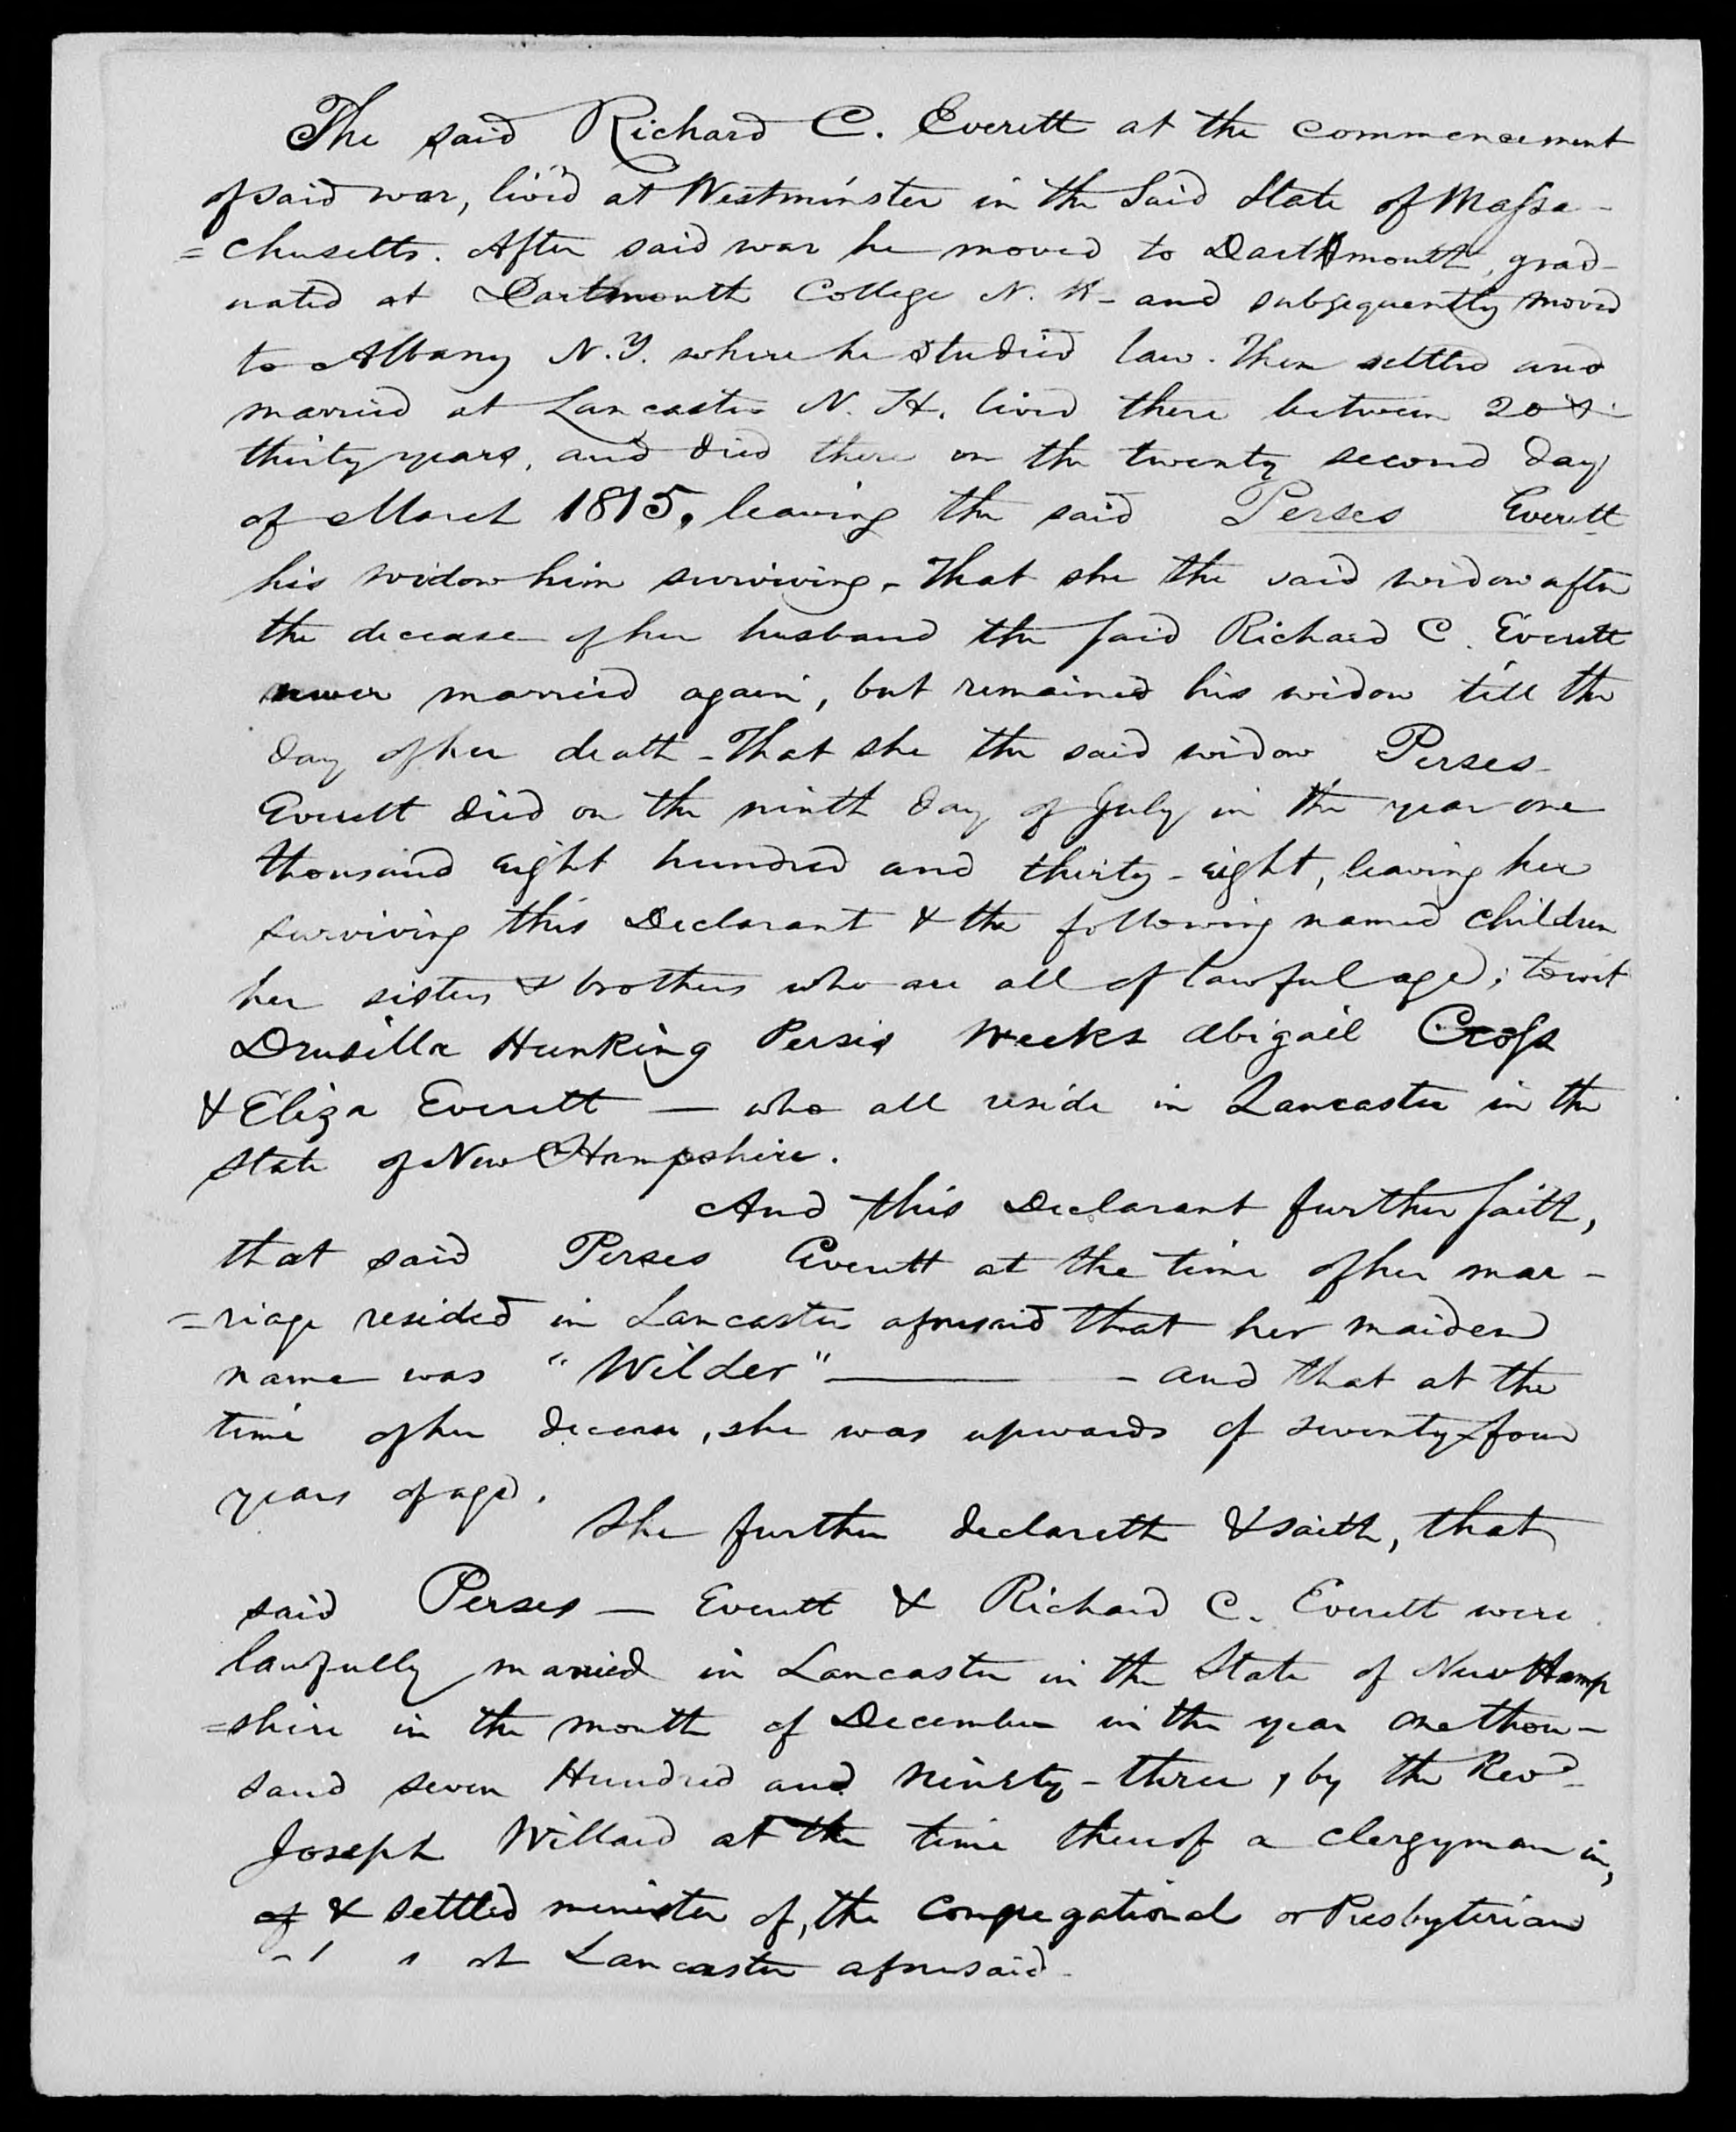The said Richard C. Everett at the commencement of said war, lived at Westminster in the said State of Massachusetts.  After said war he moved to Dartmouth, graduated at Portsmouth College N.H. and subsequently moved to Albany N.Y. where he studied law. Then settled and married at Lancaster N.H. lived there between 20 to thirty years, and died there on the twenty second day of March 1875, leaving the said Perses Everett his widow him surviving. That she the said widow after the decease of her husband the said Richard C. Everett never married again, but remained his widow till the day of her death. That she the said widow Perses Everett died on the ninth day of July in the year one thousand Eight hundred and thirty eight, leaving her surviving this declarant + the following named children her sisters & brothers who are all of lawful age, to wit Drusilla Hunking Persis Weeks Abigail Cross + Eliza Everett - who all reside in Lancaster in the State of New Hampshire.

And this declarant further saith, that said Perses Event at the time of her marriage resided in Lancaster aforesaid that her maiden name was "Wilder" -- and that at the
time of her decease, she was upwards of seventy four years of age.
She further declareth & saith, that said Perses - Everett & Richard C. Everett were lawfully married in Lancaster in the State of New Hampshire in the month of December in the year one thousand seven Hundred and ninety-three by the Revd Joseph Willard at the time thereof a clergyman in of & settled minister of the Congregational or Presbyterian [church] of Lancaster aforesaid.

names: Richard C Everett, Eliza Everett, Perses Everett, Perses Everett, Persis Weeks, Abigail Cross, Richard C Everett, Joseph Willard, Drusilla Hunking, Perses Everett, Perses Everett, Richard C Everett, Wilder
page: 6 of 59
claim: widow's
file: W. 23017, Richard Clair Everett, Mass.